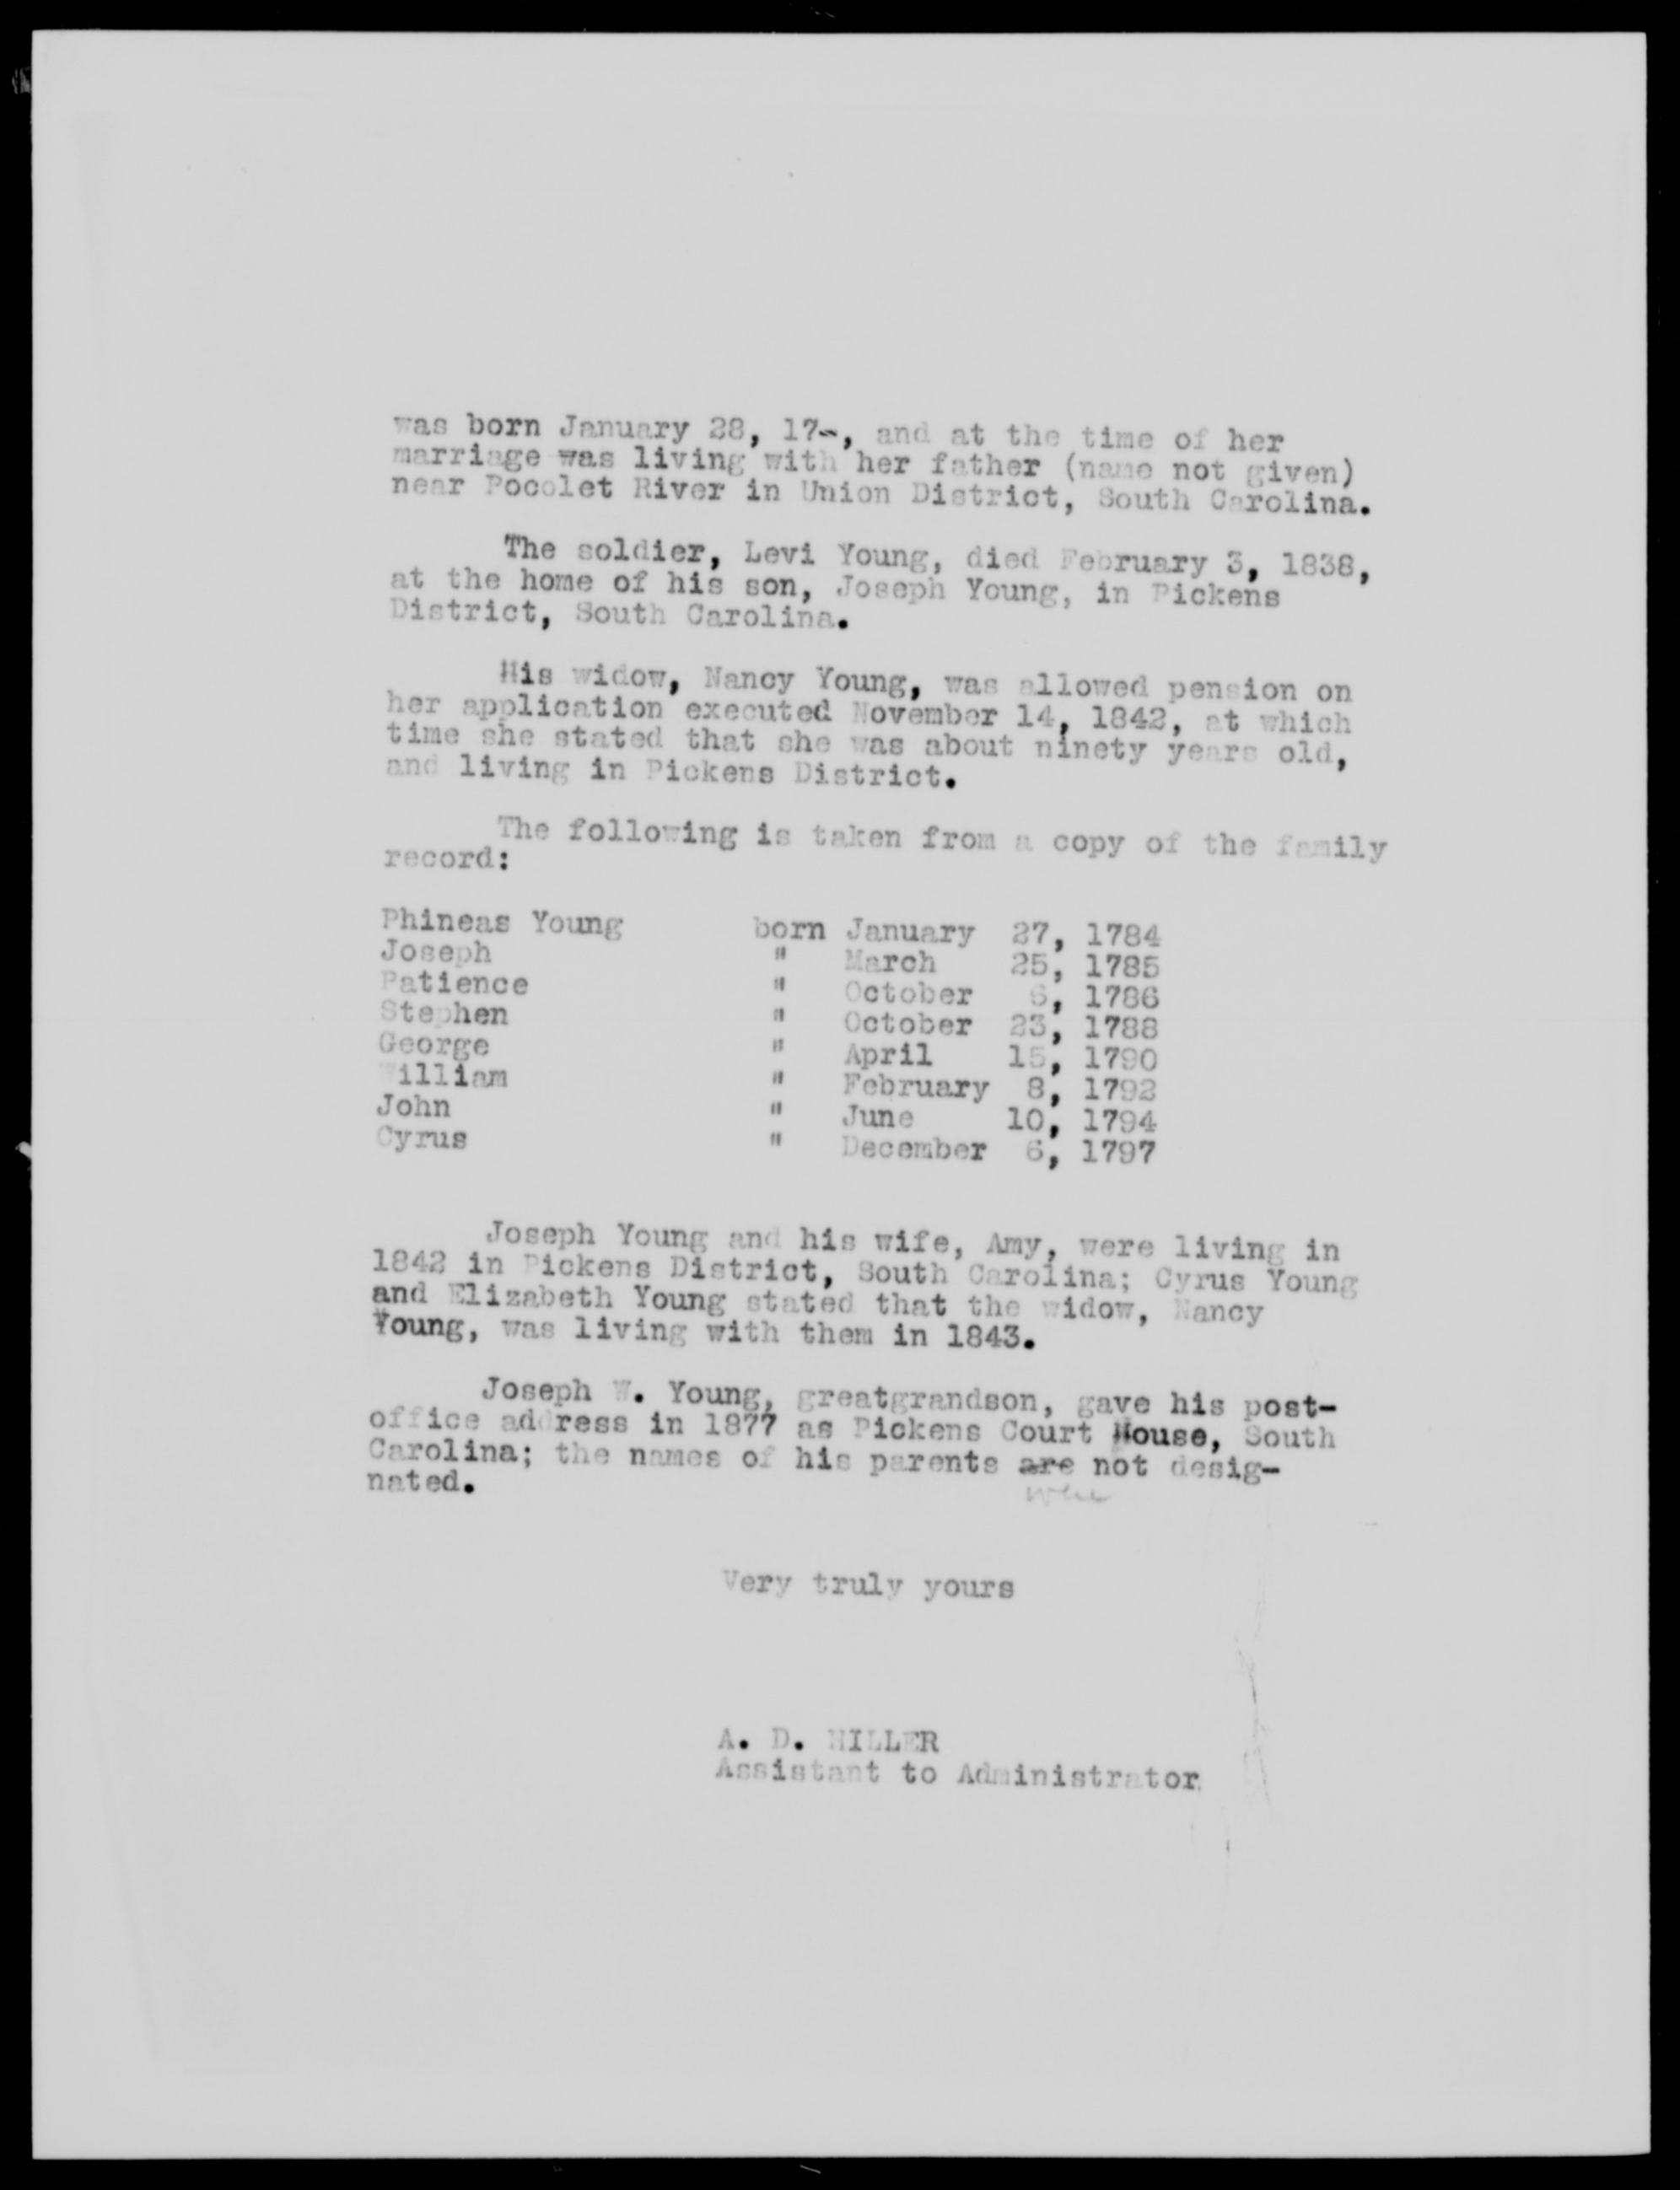was born January 28, 17--, and at the time of her
marriage was living with her father (name not given)
near Pocolet (sic Pacolet) River in Union District, South Carolina.

     The soldier, Levy Young, died February 3, 1838,
at the home of his son, Joseph Young, in Pickens
District, South Carolina.

     His widow, Nancy Young, was allowed pension on
her application executed November 14, 1842, at which
time she stated that she was about ninety yours old,
and living in Pickens District.

     The following is taken from a copy of the family
record:

Phineas Young born January 27, 1784
Joseph " (born) March 25, 1785
Patience " (born) October 6, 1786
Stephen " (born) October 23, 1788
George " (born) April 15, 1790
William " (born) February 8, 1792
John " (born) June 10, 1794
Cyrus " (born) December 6, 1797

     Joseph Young and his wife, Any, were living in
1842 in Pickens District, South Carolina; Cyrus Young
and Elizabeth Young stated that the widow, Nancy
Young, was living with them in 1843.

     Joseph W. Young, greatgrandson, gave his post-
office address in 1877 as Pickens Court House, South
Carolina; the names of his parents are not desig-
nated.

Very truly yours

A.D. Hiller
Assistant to Administrator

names: Elizabeth Young, Stephen, Joseph W Young, Patience, George, William, Levi Young, Nancy Young, Phineas Young, Cyrus Young, Joseph Young, Amy, A D Hiller, Cyrus, John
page: 25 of 56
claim: widow's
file: W. 9040, Levi Young, Ga. New Jersey S.C.